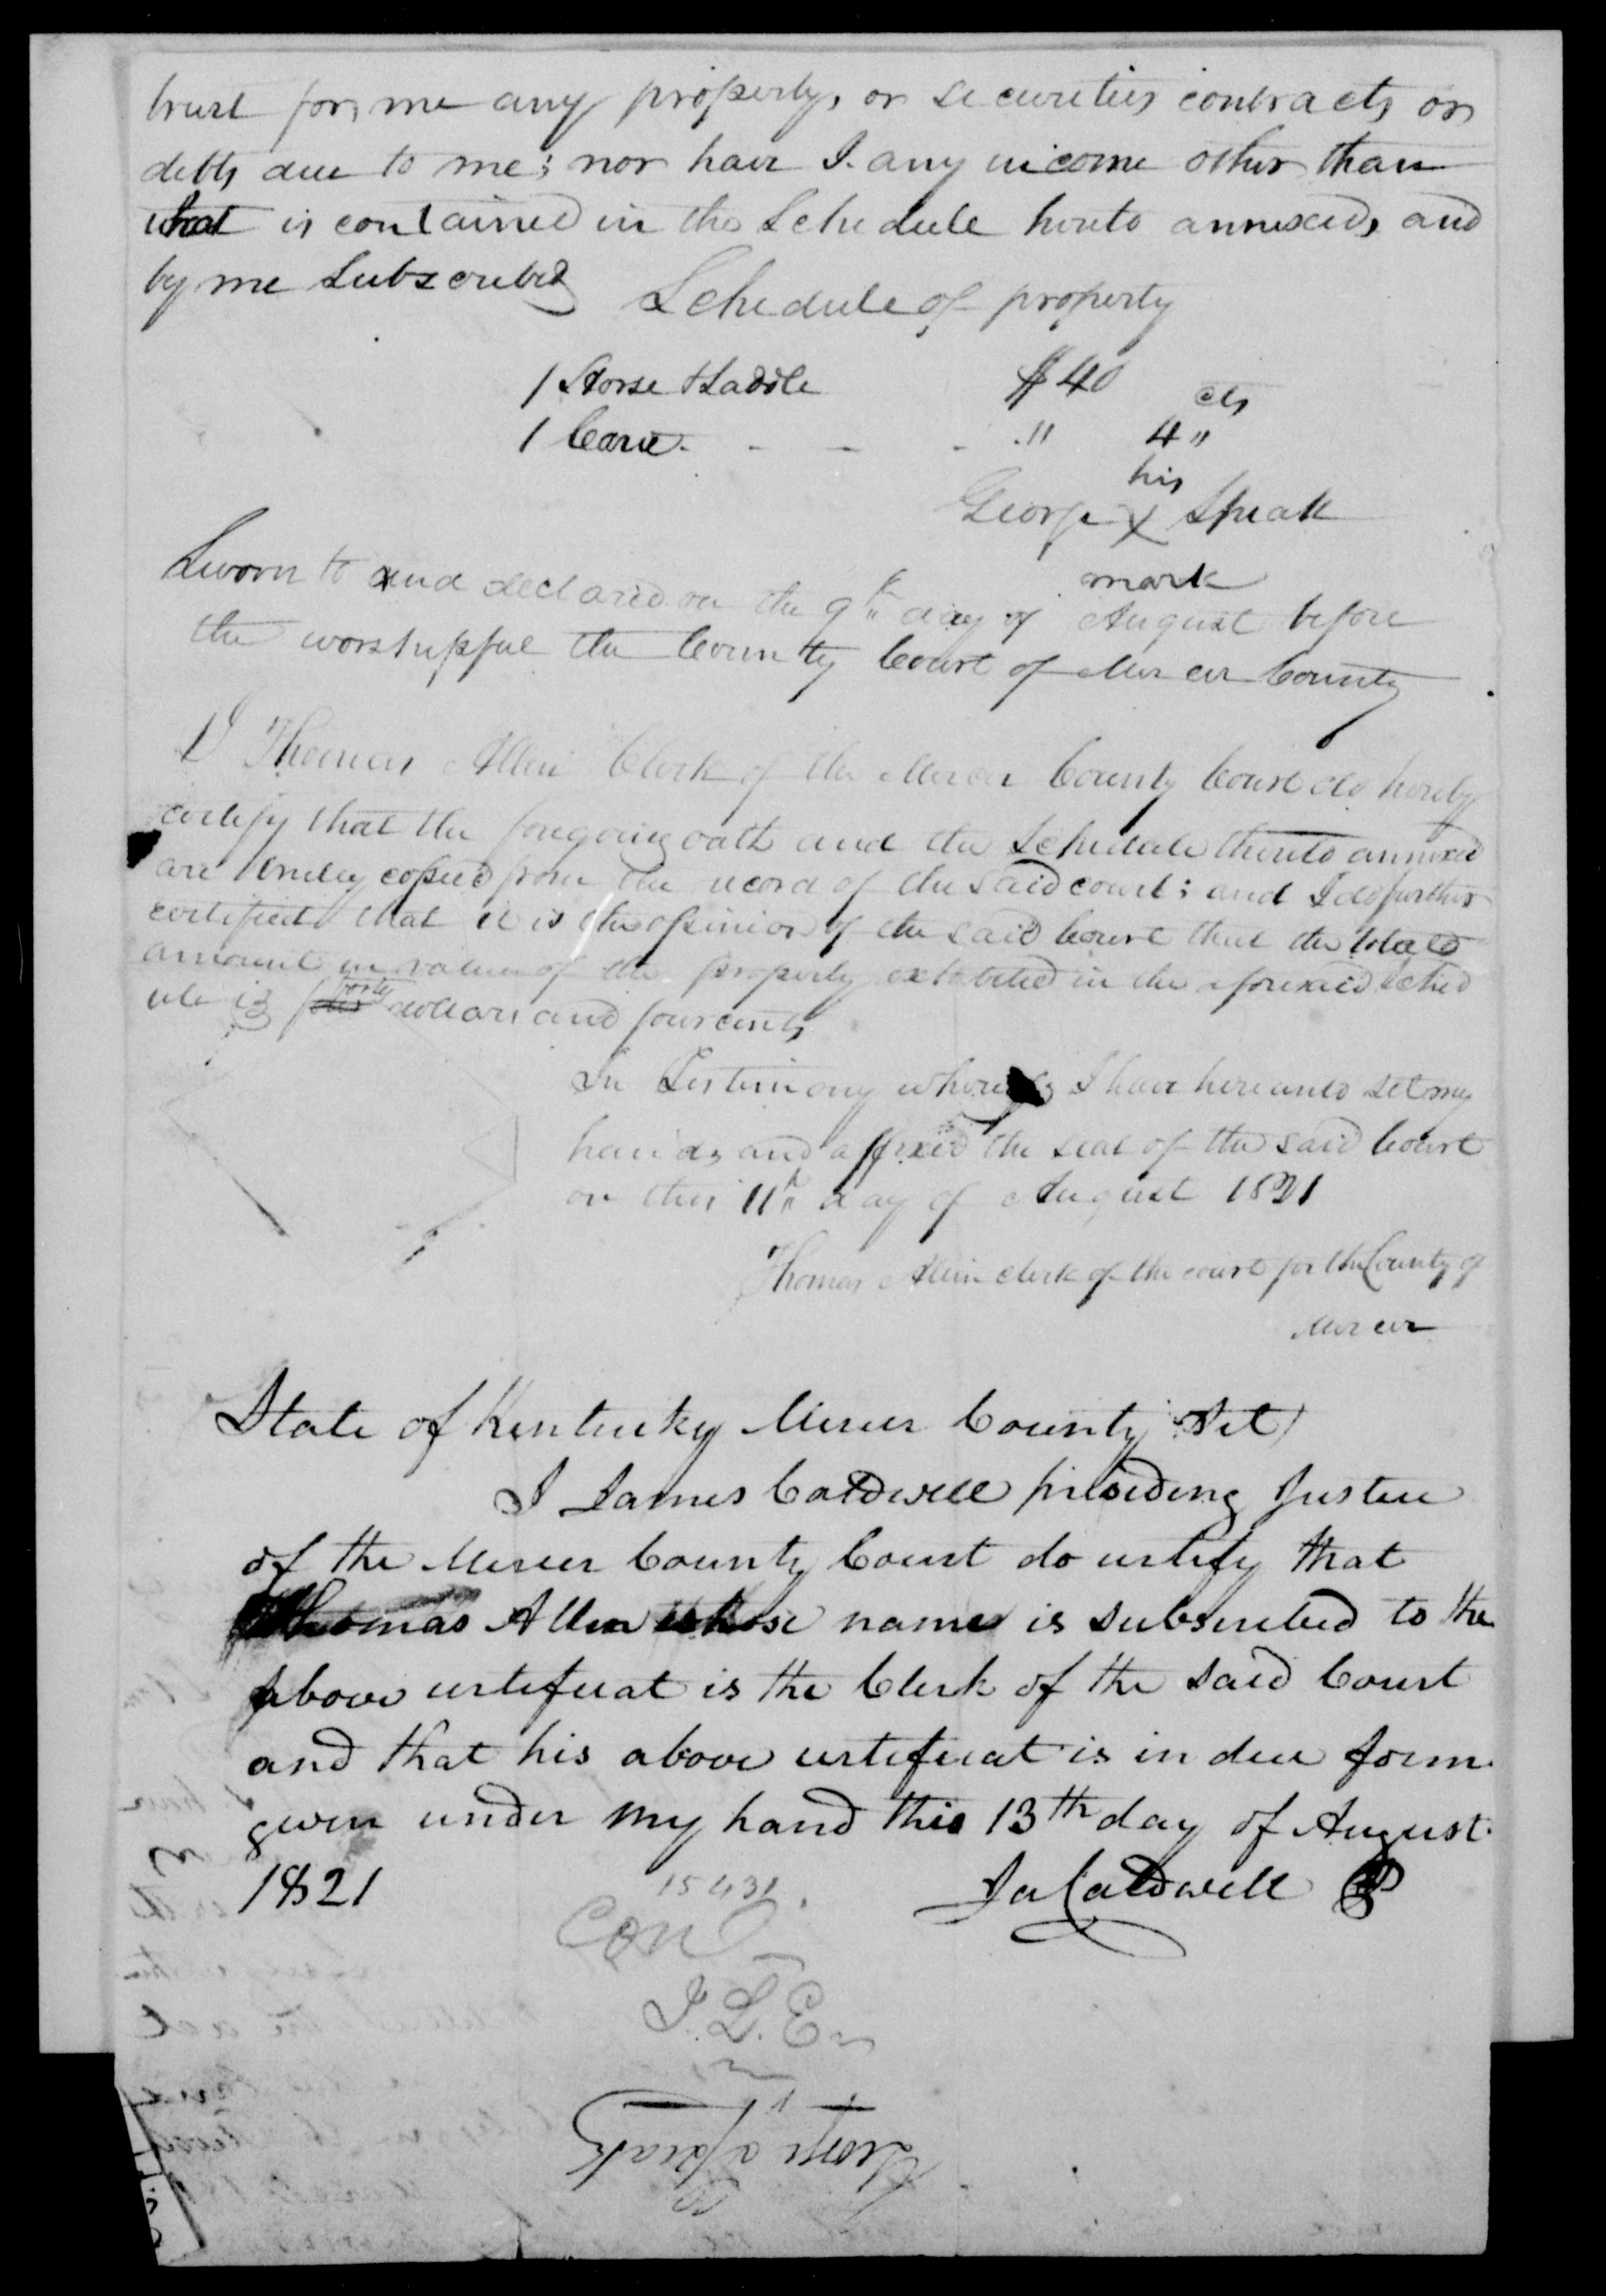trust for me any property or securities contracts on debts due to me; nor have I any income other than what is contained in the schedule hereto annexed, and by me subscribed.

Schedule of Property
1 Horse & Saddle     $40
1 Cart                        $--.4 cts
George Speak X his mark
[signature]
Sworn to and declared on the 9th day of August before the worshipful the County Court of Mercer County.

I Thomas Allen Clerk of the Mercer County Court do hereby certify that the foregoing oath and the Schedule thereto annexed are hereby copied from the record of the said court and I do further certify that it is the opinion of the said court that the total amount in value of the property exhibited in the aforesaid Schedule is forty dollars and four cents.
In Testimony whereof I have hereunto set my hand and affixed the seal of said court on this 11th day of August 1821
Thomas Allen Clerk of the court of the County of Mercer
[Signature]
[Seal]

State of Kentucky Mercer County Set.
I James Caldwell presiding Justice of the Mercer County Court do certify that Thomas Allen whose name is subscribed to the above certificate is the Clark of the said Court and that his above certificate is in due form given under my hand this 13th day of August, 1821
Jas. Caldwell J. P.

15431.
con -
J. L. E-

George Speak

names: George Speak; James Caldwell; Ja Caldwell; Thomas Allen; George Speak; Thomas Allen; Thomas Allen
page: 5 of 15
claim: survivor's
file: S. 37,435, for George Speak, Virginia